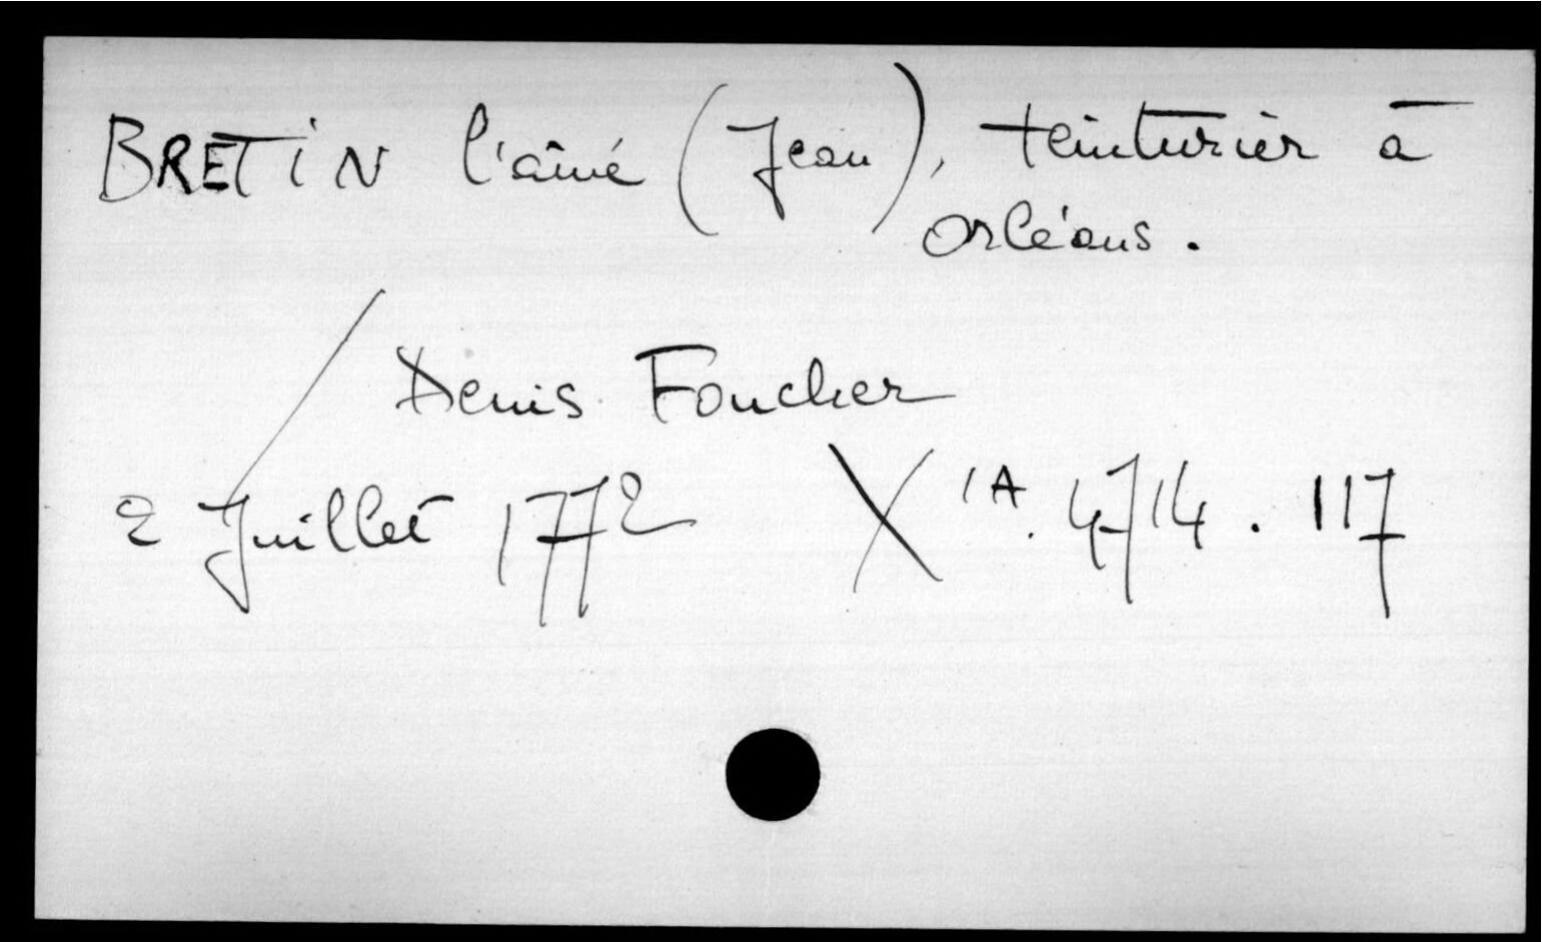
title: BRETIN l'aîné (Jean), teinturier à Orléans.
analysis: Contre Denis Foucher
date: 2 juillet 1772
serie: X1A
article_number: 4714
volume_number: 117
